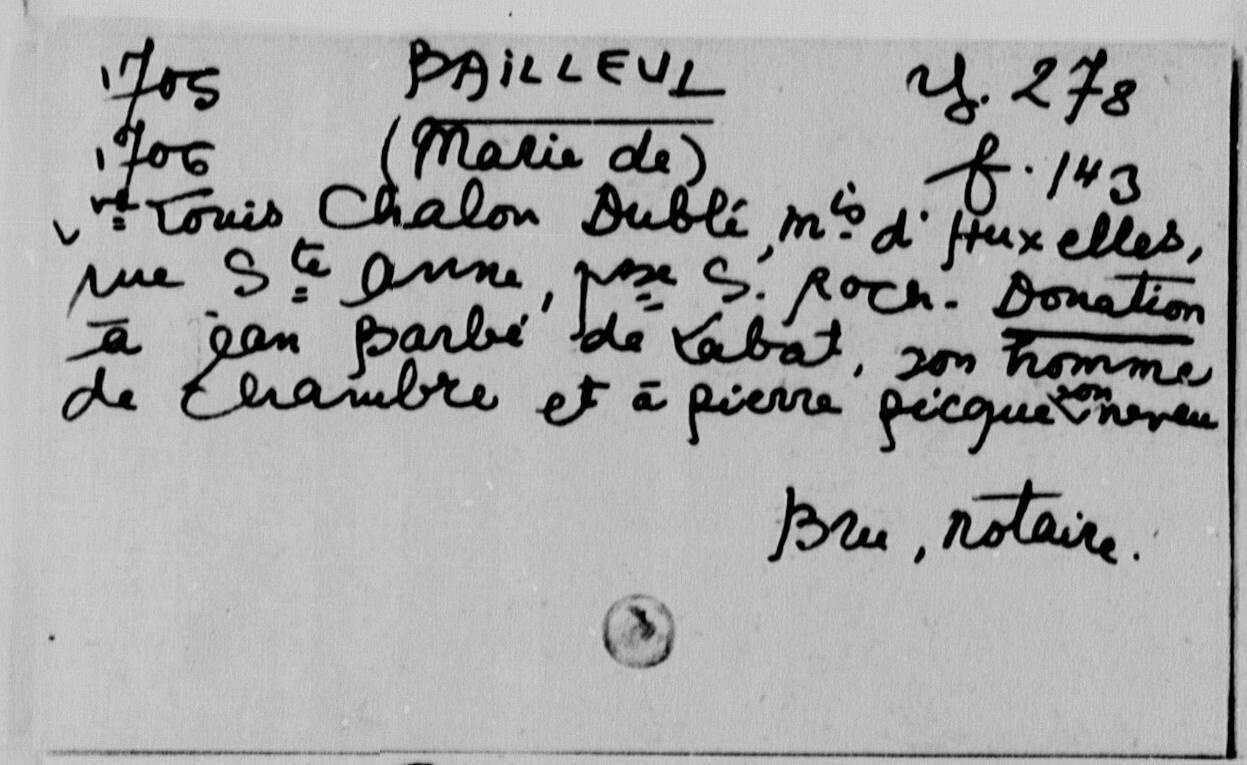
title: BAILLEUL (Marie de)
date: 1705-1706
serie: Y
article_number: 278
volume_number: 143
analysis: Veuve Louis Chalon-Dublé, marquis d'Huxelles, rue Saint-Anne, paroisse Saint-Roch Donation à Jean Barbé de Labat, son homme de Chambre et à Pierre Picque, son neveu Bru, notaire
